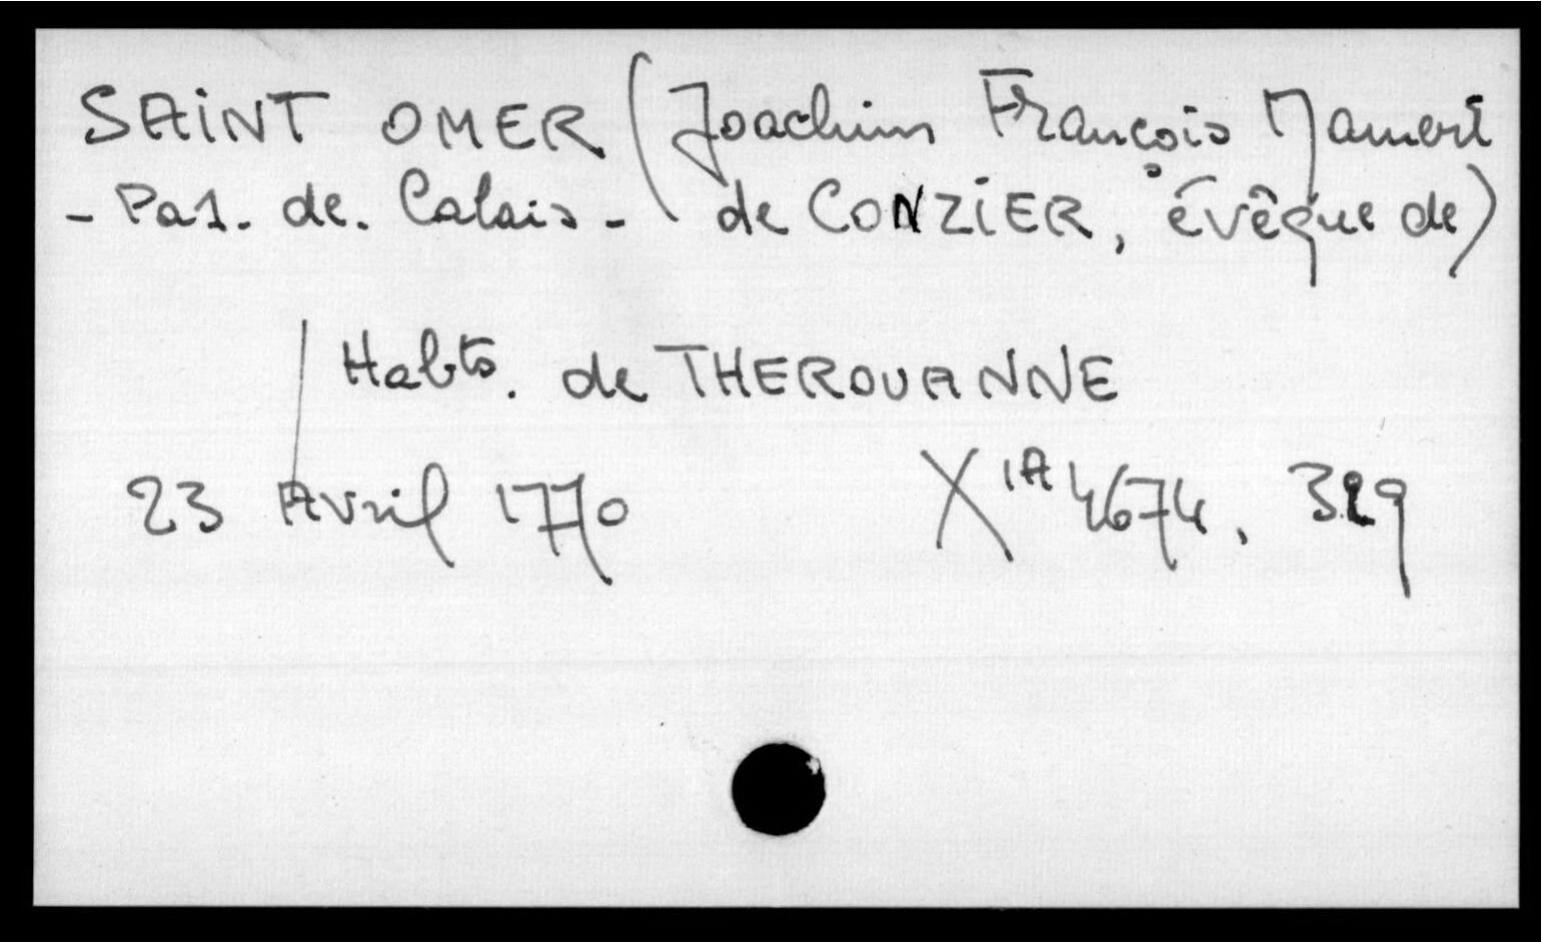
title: SAINT OMER (Joachim François Mamert de CONZIER, évêque de)- Pas-de-Calais -
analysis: Contre Habitants de THÉROUANNE
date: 23 avril 1770
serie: X1A
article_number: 4674
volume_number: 329
